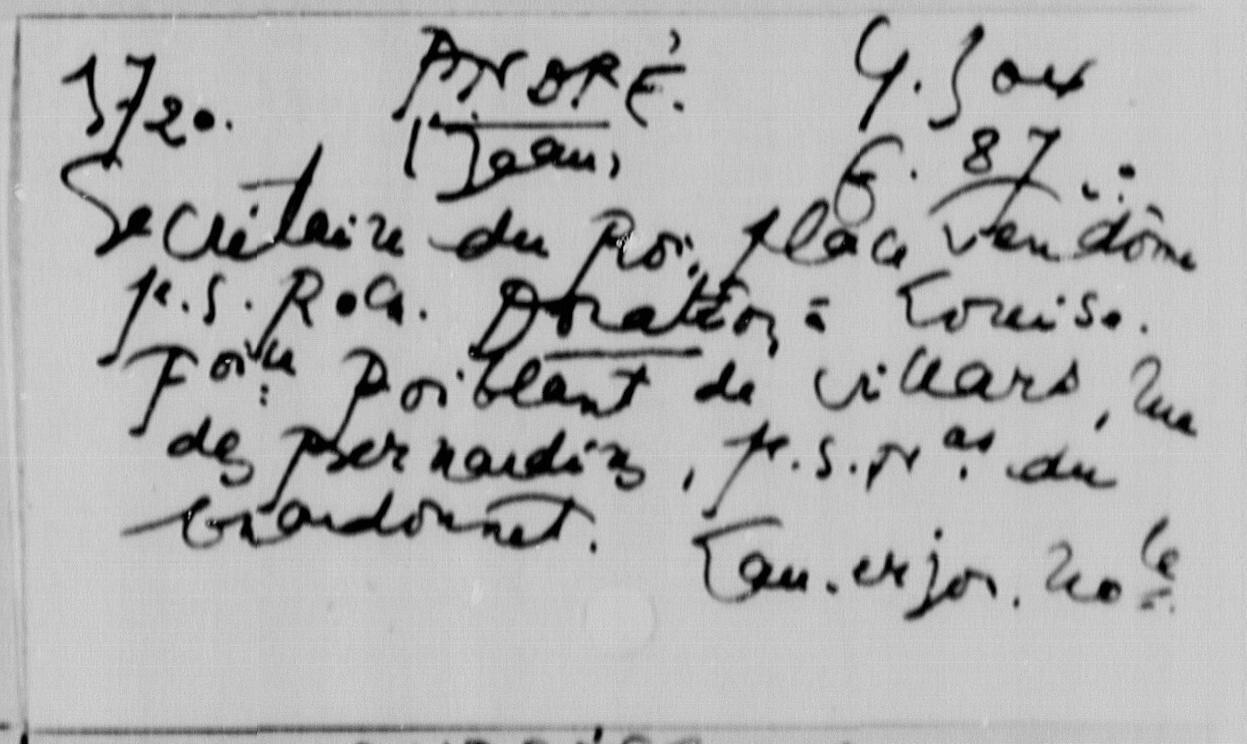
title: ANDRÉ (Jean)
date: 1720
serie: Y
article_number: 304
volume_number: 87
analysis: Secrétaire du roi, place Vendôme, paroisse Saint-Roch. Donation à Louise Françoise POIBLANT DE VILLARS, rue des Bernardins, paroisse Saint-Nicolas du Chardonnet. Lauverjon, notaire.
